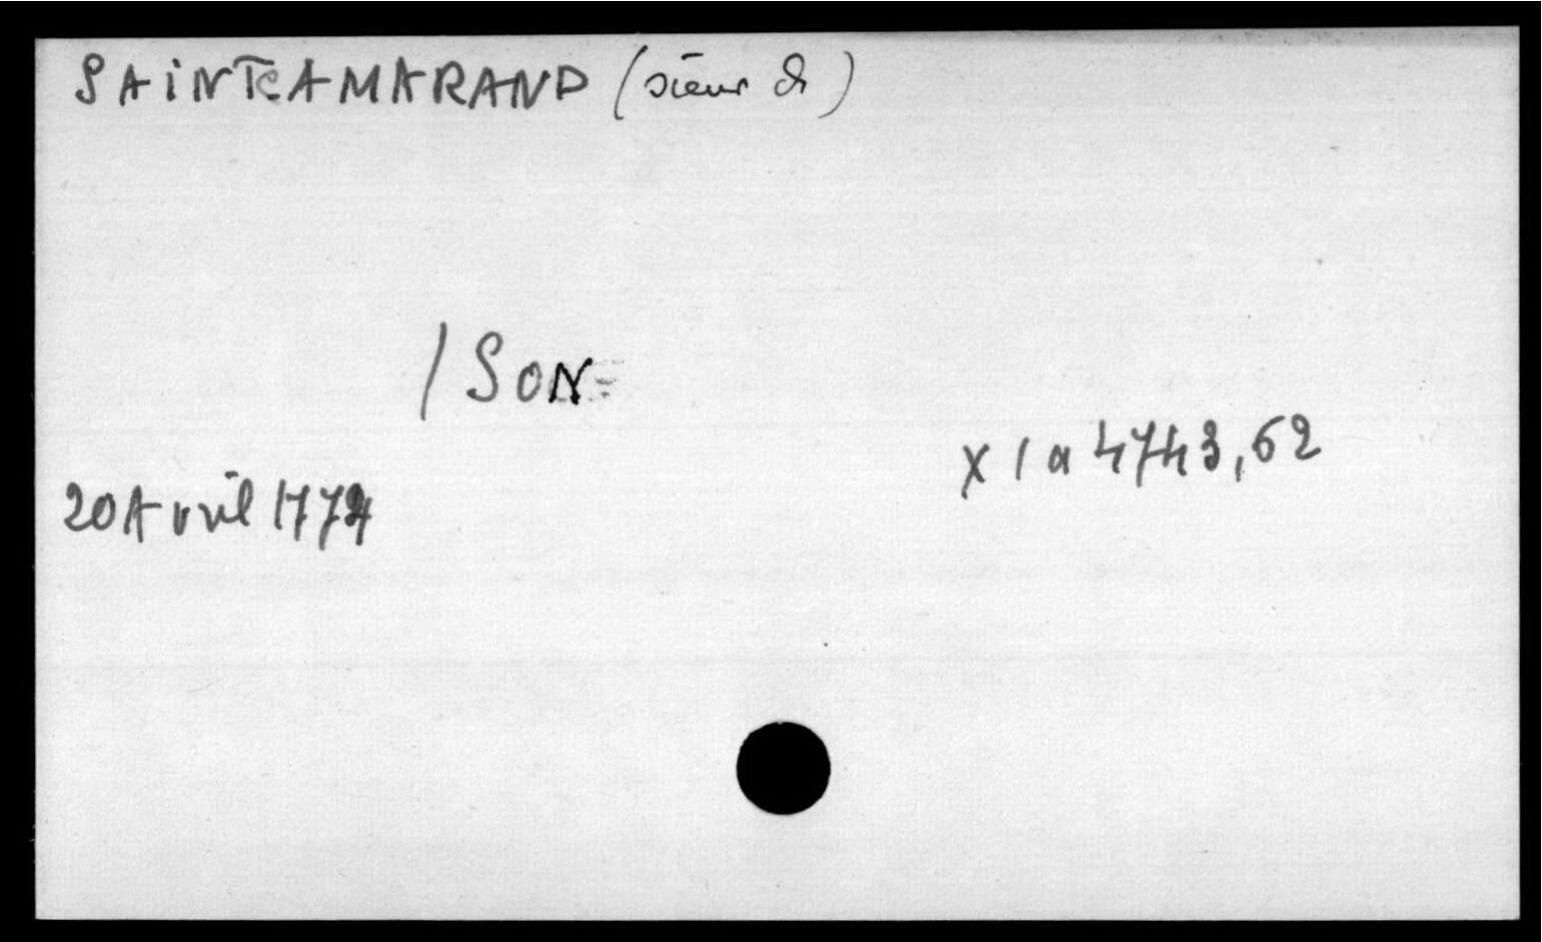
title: SAINTE AMARAND (sieur de)
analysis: Contre SON
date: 20 avril 1774
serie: X1a
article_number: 4743
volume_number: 62
